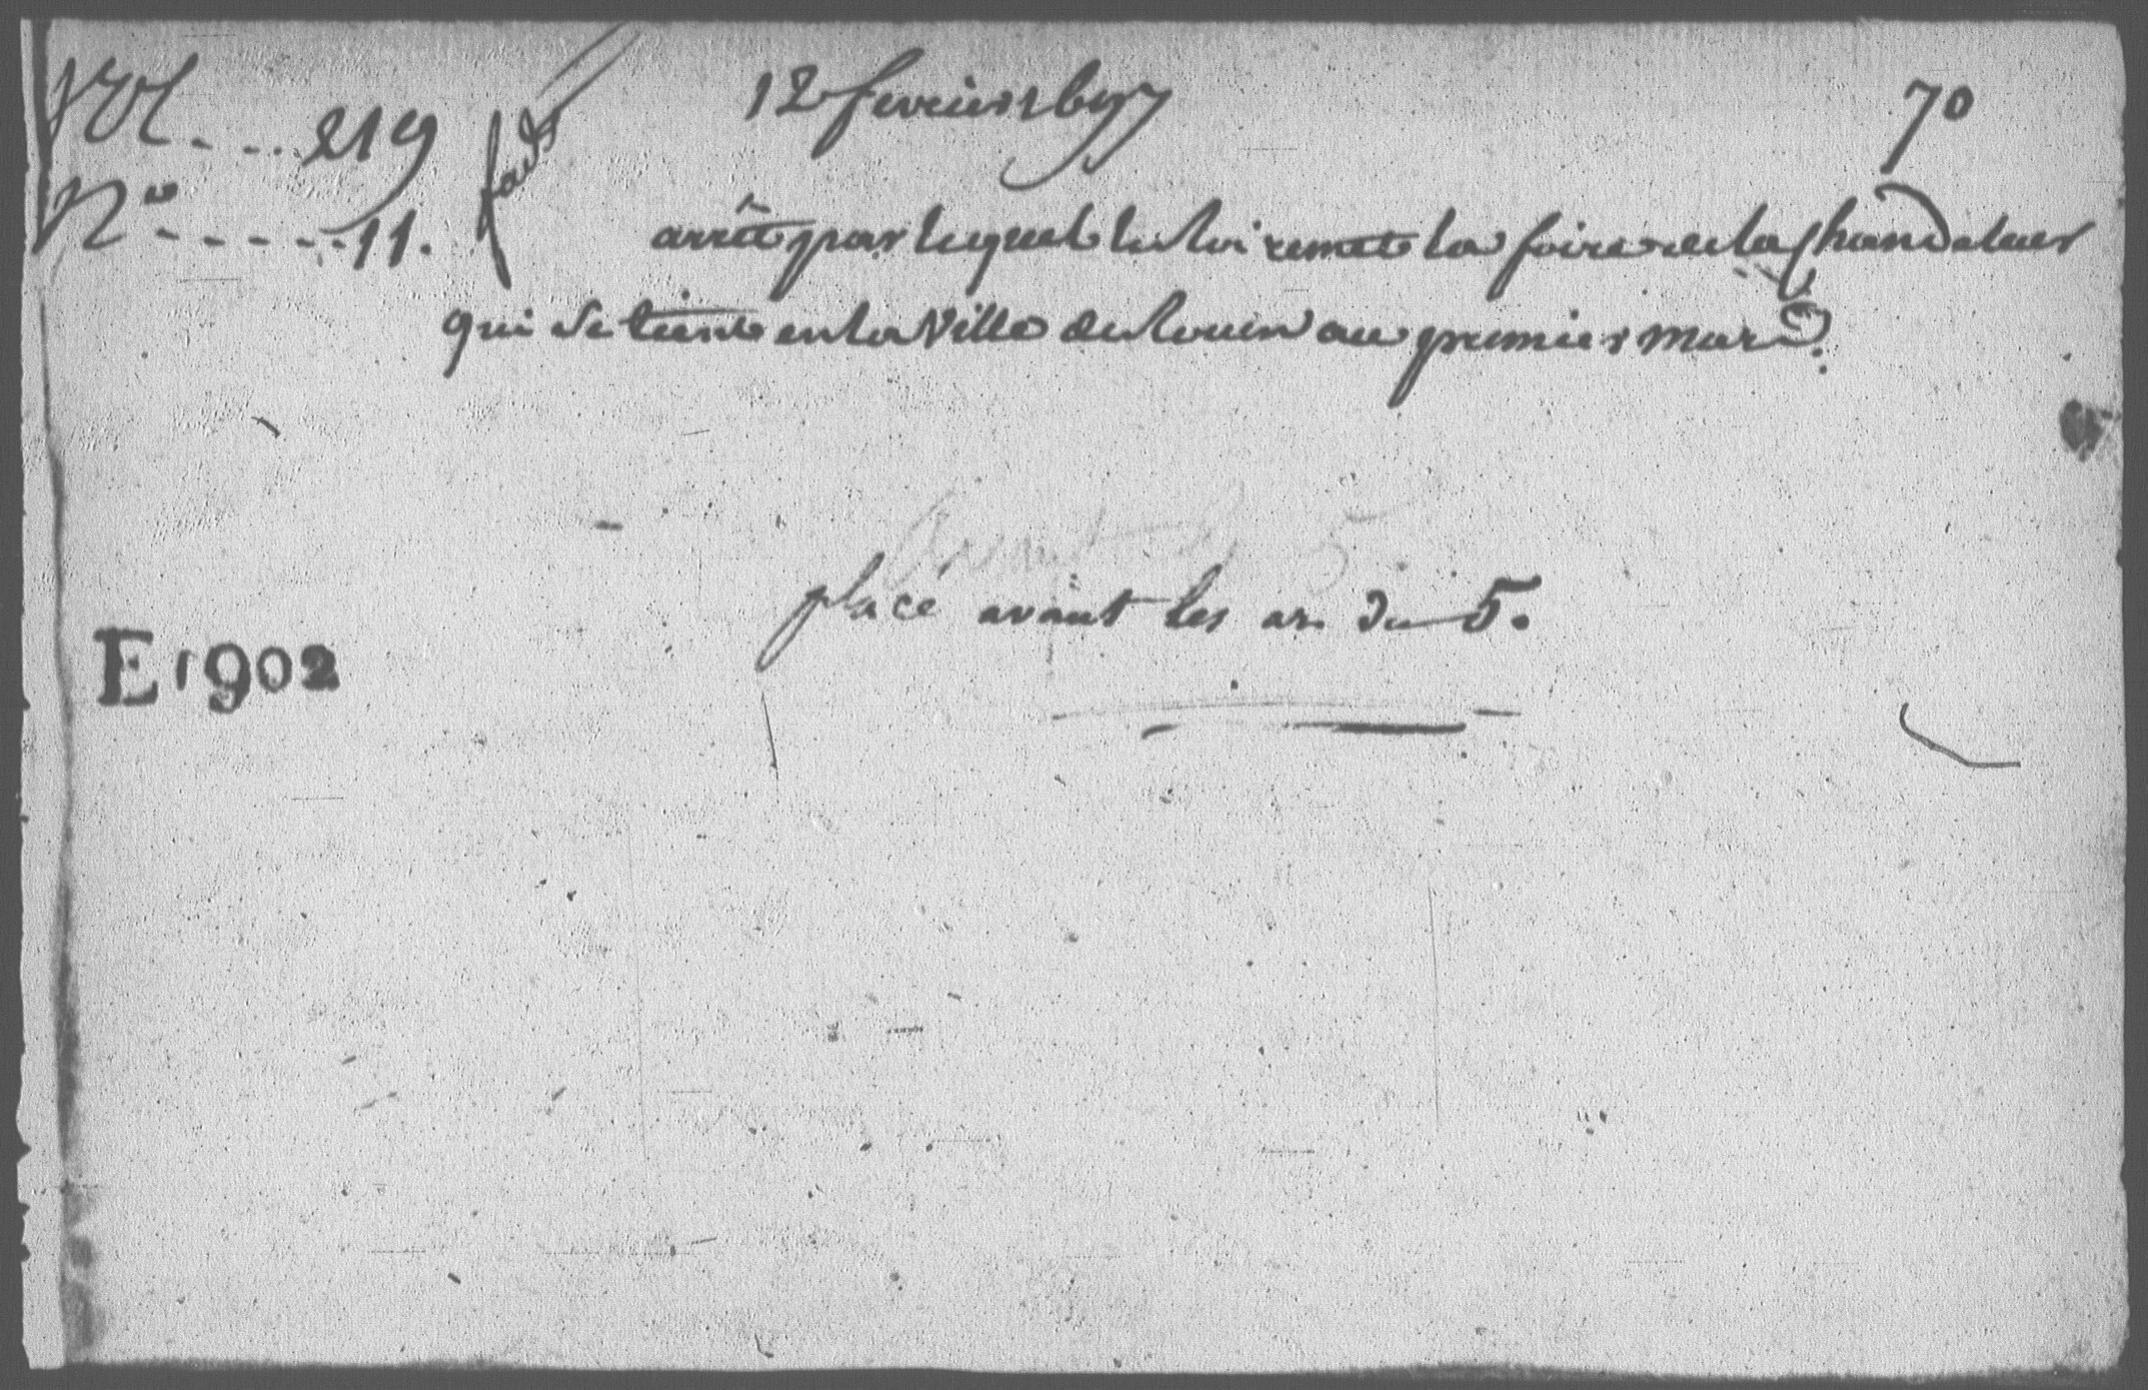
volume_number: n°11
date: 12 février 1697
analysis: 70
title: arrêt par lequel le Roi remet la foire de la Chandeleur qui se tient en la Ville de Rouen au premier mars.
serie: E
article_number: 1902
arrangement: vol. 219 placé avant les ar. du 5.
